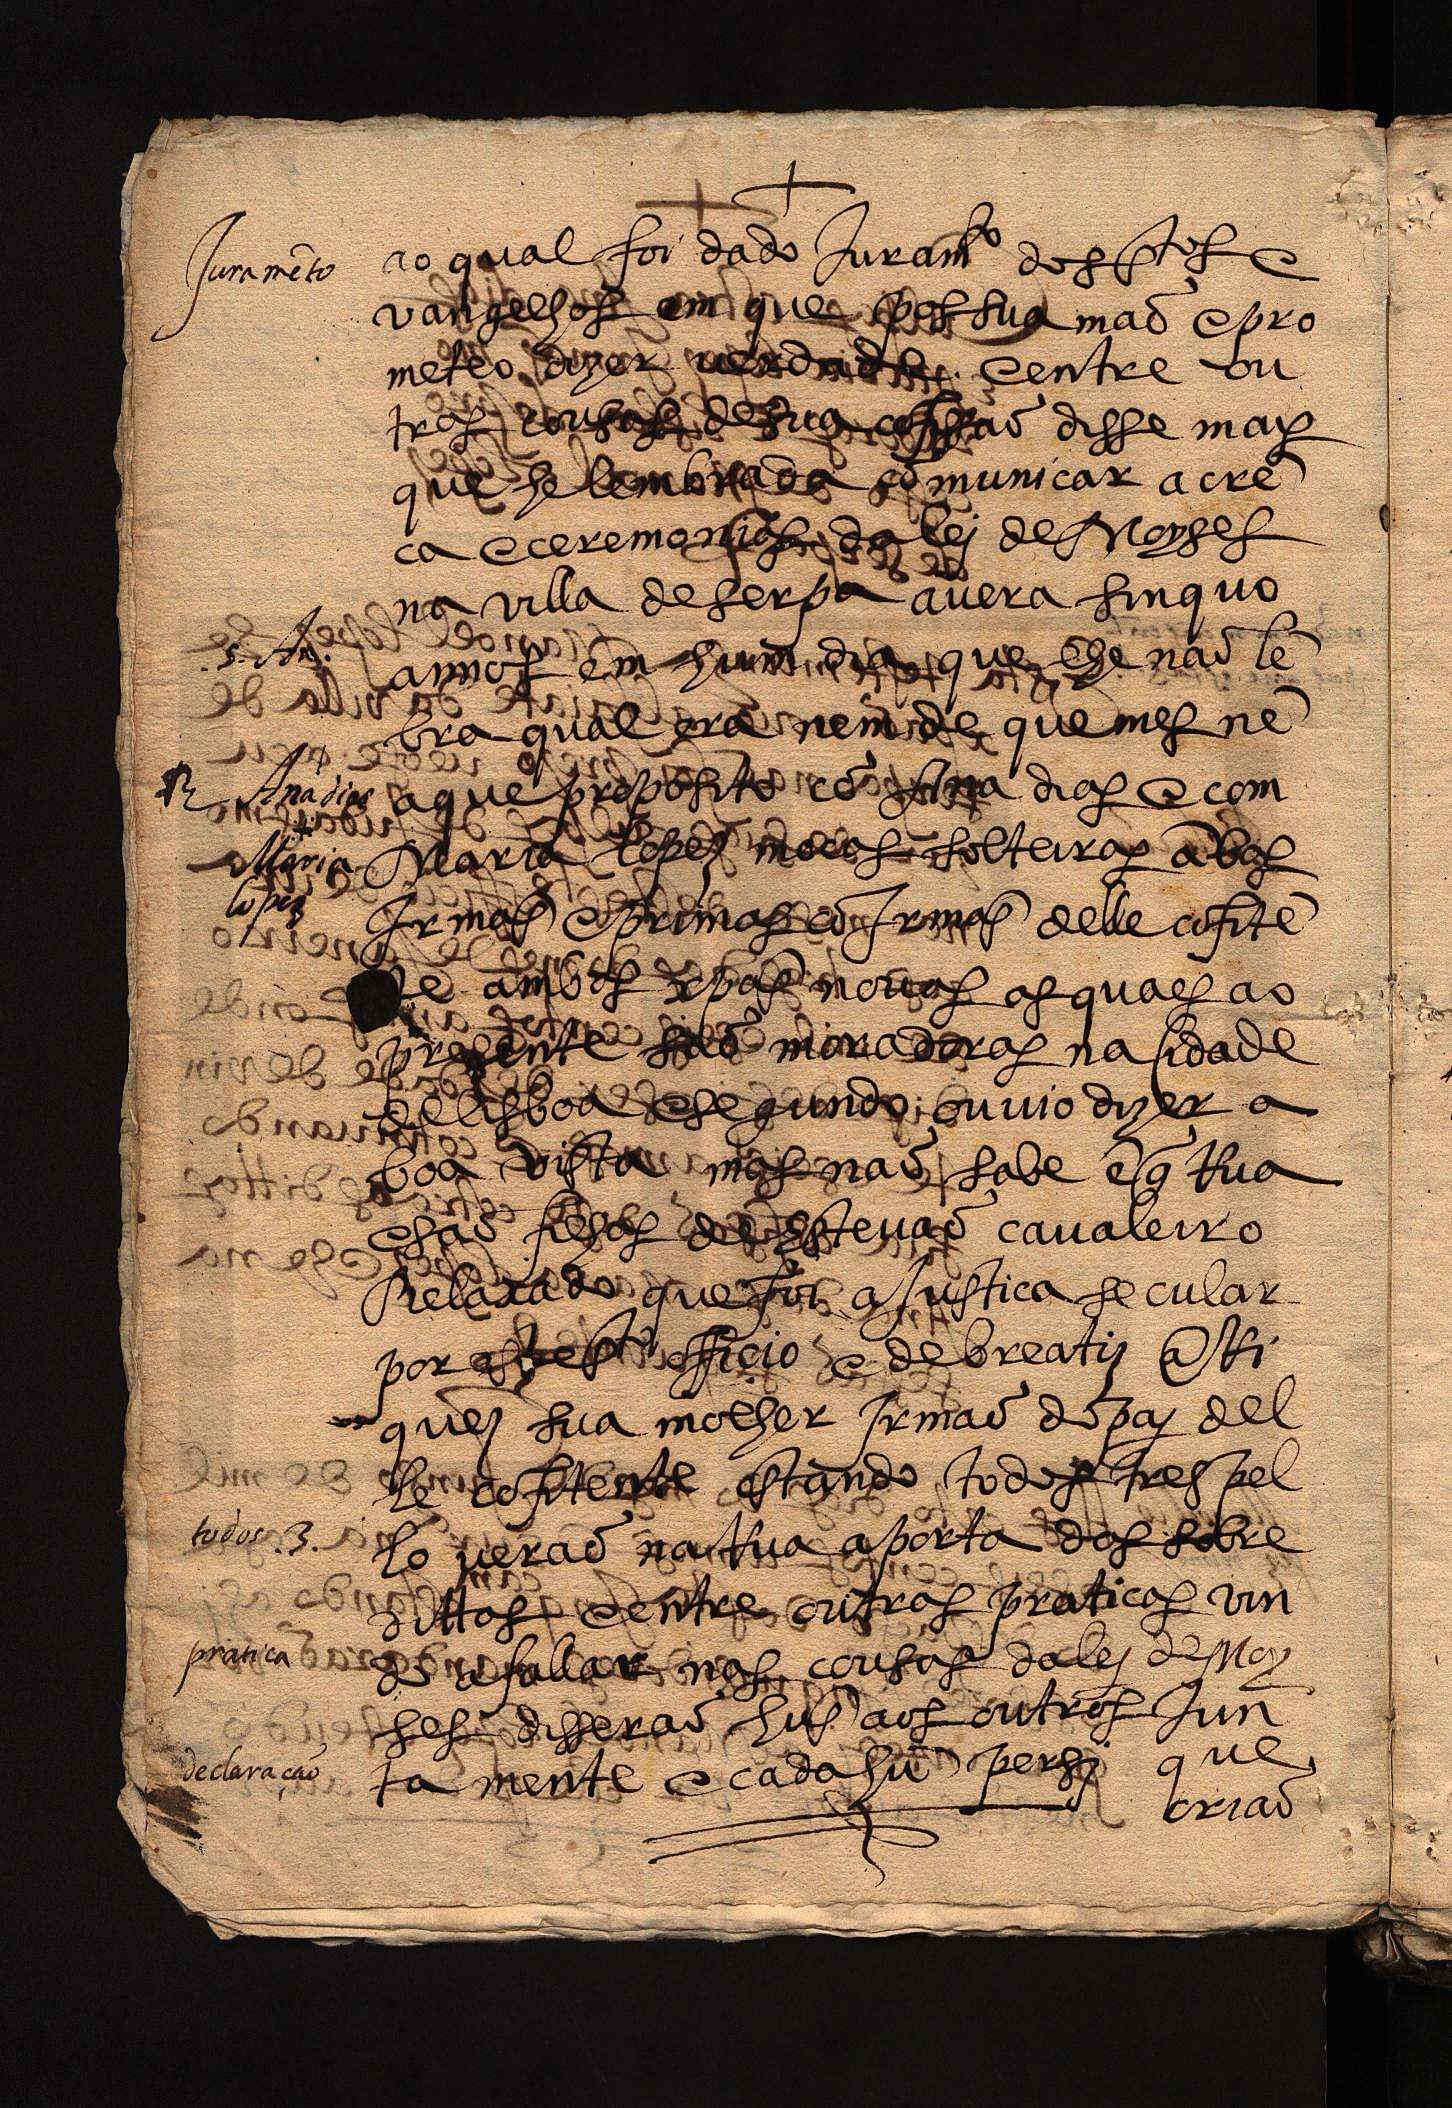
ao qual foi dado Juramto dos stos e
Juramēto
vangelhos em que pos sua maõ e pro
meteo dizer uerdade e entre ou
tras cousas de sua cōfissaõ disse mais
que he lembrada cōmunicar a crē
ça e ceremonias da lej de Moyses
na villa de serpa auera sinquo
5. An.
annos em hum dia que lhe naõ lē
bra qual era nem de que mes nē
R Ana dias
Maria
lopez
a que proposito cō Ana dias e com
Maria lopez moças solteiras ābas
Jrmas̄ e primas cōJrmas̄ delle cōfitē
te ambos xpas̄ nouas as quaes ao
presente saõ moradoras na Cidade
de lisboa e segundo ouuio dizer a
boavista mas naõ sabe ē q̄ Rua
e saõ filhas de Esteuaõ caualeiro
Relaxado que foi a Justiça secular
por este sto officio e de breatiz āRi
quez sua molher Jrmaõ do paj del
le cōfitente estando todos tres pel
todos .3.
lo ueraõ na Rua a porta das sobre
dittas e entre outras praticas vin
pratica
do a fallar nas cousas da lej de Moy
ses disseraõ hus̄ aos outros Jun
declaraçaõ
tamente e cada hū per sj que
criaõ
